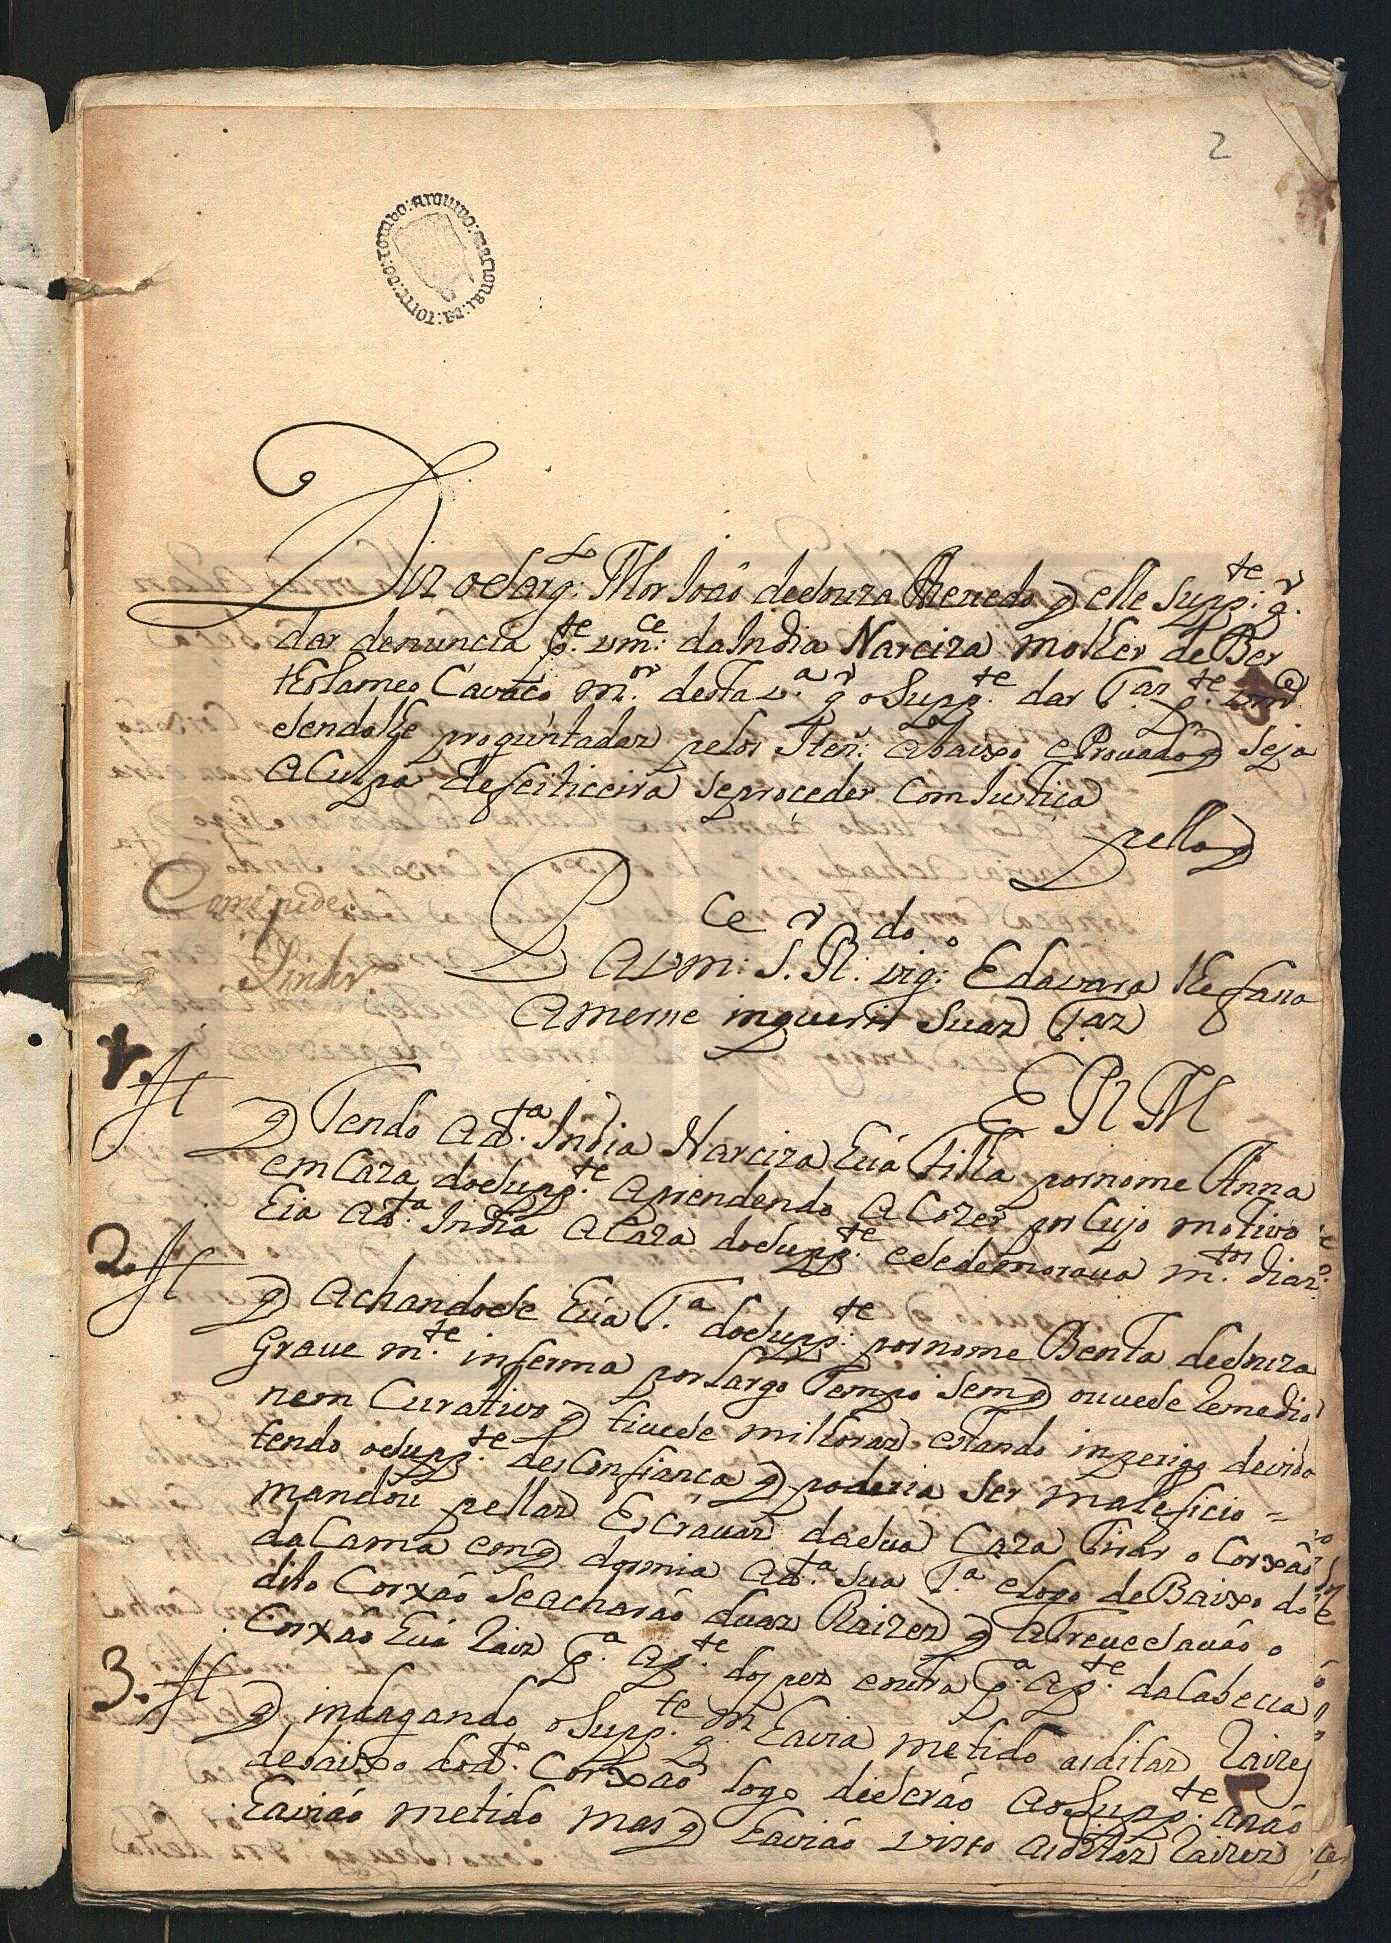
Diz o sarg:to Mor Ioaõ de Souza Azeuedo q̄ elle supp:te q.r
dar denunçia p.te v m:ce da India Narciza molher de Ber
thoLameo Cavaco, m.or desta v.a qr o Supp.te dar T.as p.te v mce
sendolhe proguntadaz pelos Itens: abaixo e Prouado q̄ seja
a culpa de feiticeira se proçeder com Iustiça
pello q̄
Como pede
P a v m:ce s.r R.do vig:o E da vara lhe fassa
Pinhr.o
a mersse inquerir suaz T.az
item
E R M
q̄ Tendo a dt.a India Narciza huā Filha por nome Anna
em caza do supp.te aprendendo a cozer por cujo motivo
hia a dt.a India a caza do supp.te e se demorava m.tos diaz
2 item
q̄ achandose hūa T.a do supp:te por nome Benta de souza
gravem.te inferma por Largo Tempo sem q̄ ouvese Remedio
nem Curativo q̄ tivese milhoraz estando in perigo de vida
tendo o supp.te desconfiança q̄ poderia ser maleficio =
mandou pellaz Escravaz da sua Caza Tirar o Corxaõ
da Cama con q̄ dormia a dt.a sua F.a e Logo de Baixo do
dito Corxão se acharaõ duas Raizez q̄ aTreuesavão o
corxão huā Raiz p.a a p.te dos pez e outra p.a a p.te da cabecca
3. item
q̄ indagando o Supp.te q.m havia metido as ditaz Raizes
debaixo do d.to corxaõ logo diserão ao Supp.te a naõ
havião metido mas q̄ havião visto as ditaz Raizes
